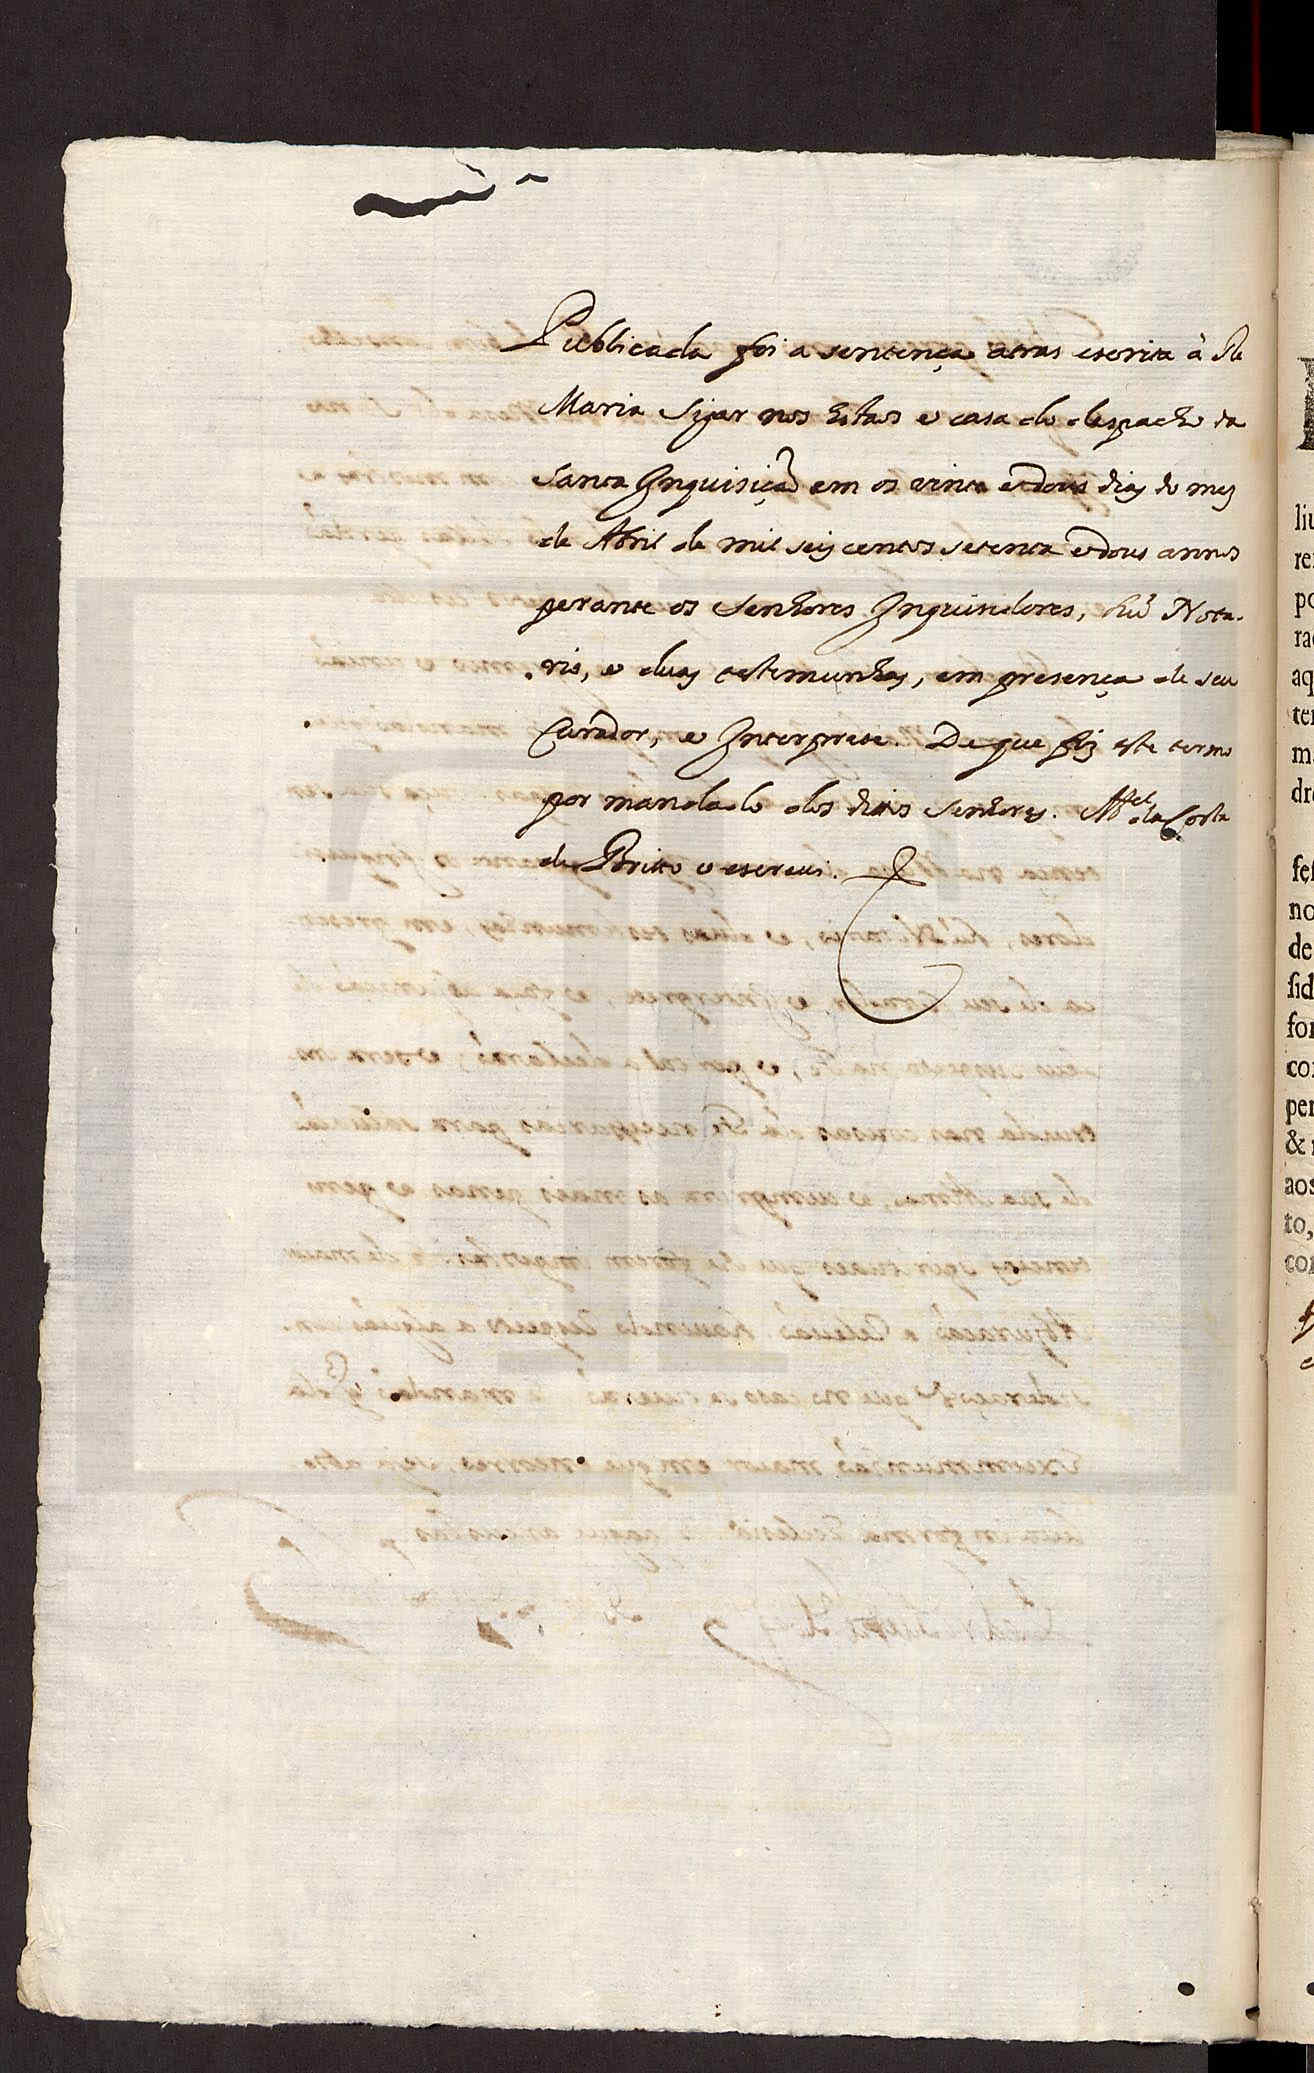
Publicada foi a sentença atras escrita à Re
Maria Sigar nos Estaos e casa do despacho da
santa Jnquisiçaõ em os vinte e dous dias do mez
de Abril de mil seiscentos setenta e dous annos
perante os senhores Jnquisidores, hū Nota
rio, e duas testemunhas, em presença de seu
Curador, e Jnterprete. De que fiz este termo
por mandado dos dittos Senhores. M.el da Costa
de Brito o escreui. &
